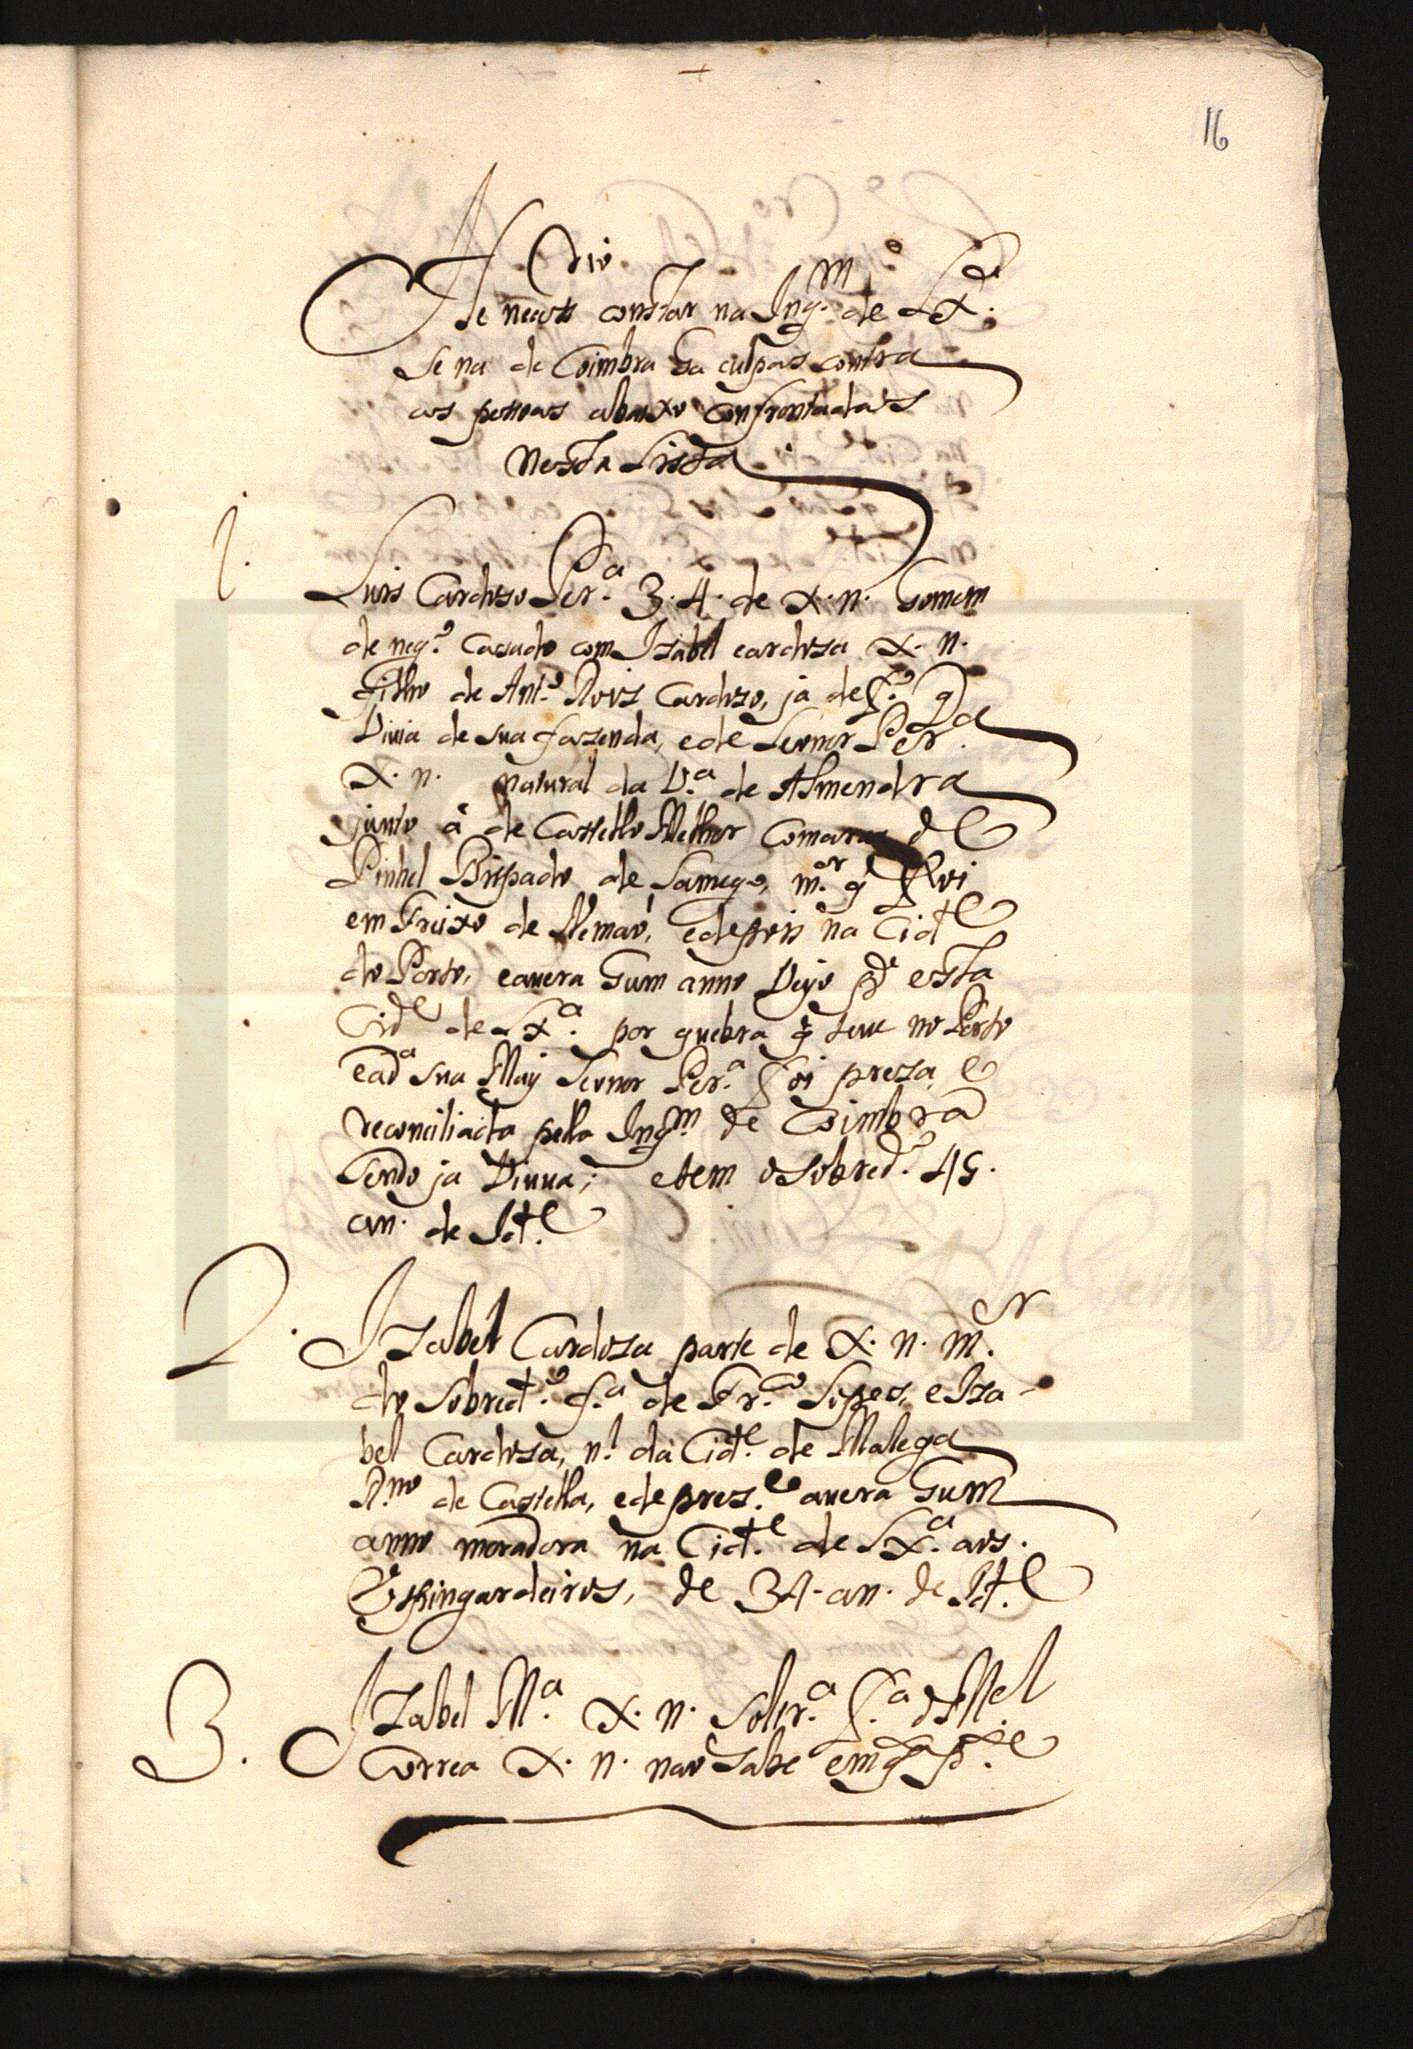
He necessrio constar na Inq.m de Lx.a
se na de Coimbra ha culpas contra
as pessoas abaixo confrontadas
nesta Lista
I. Luis Cardoso Per.a 3.4. de x. n. homem
de neg.o casado com Izabel cardoza x. n.
filho de Ant.o Roiz Cardozo, ja def.o q̄
Viuia de sua fazenda, e de Leonor Per.a
X. n. natural da V.a de Almendra
junto à de Castello Melhor Comar__ de
Pinhel Bispado de Lamego, m.or q̄ foi
em Freixo de Nemaõ. e depois na Cid̄e
do Porto, e auera hum anno Veyo pa esta
Cide de Lxa. por quebra q̄ teue no Porto
e a da sua May Leonor Per.a foi preza, e
reconciliada pela Inq.m de Coimbra
sendo ja Viuua; e tem o sobred.o 45.
an. de Id̄.e
2. Izabel Cardoza parte de x. n. m.er
do sobred̄.o f.a de Fr.co Lopes, e Iza
bel Cardosa, n.l da Cid̄.e de Malega
R.no de Castella, e de prez.e auera hum
anno moradora na Cid̄.e de Lx.a aos
Espingardeiros, de 34. an. de Id̄.e
3. Izabel M.a x. n. soltr.a f.a d̄ M.el
Correa x. n. naõ sabe em qta p.te
